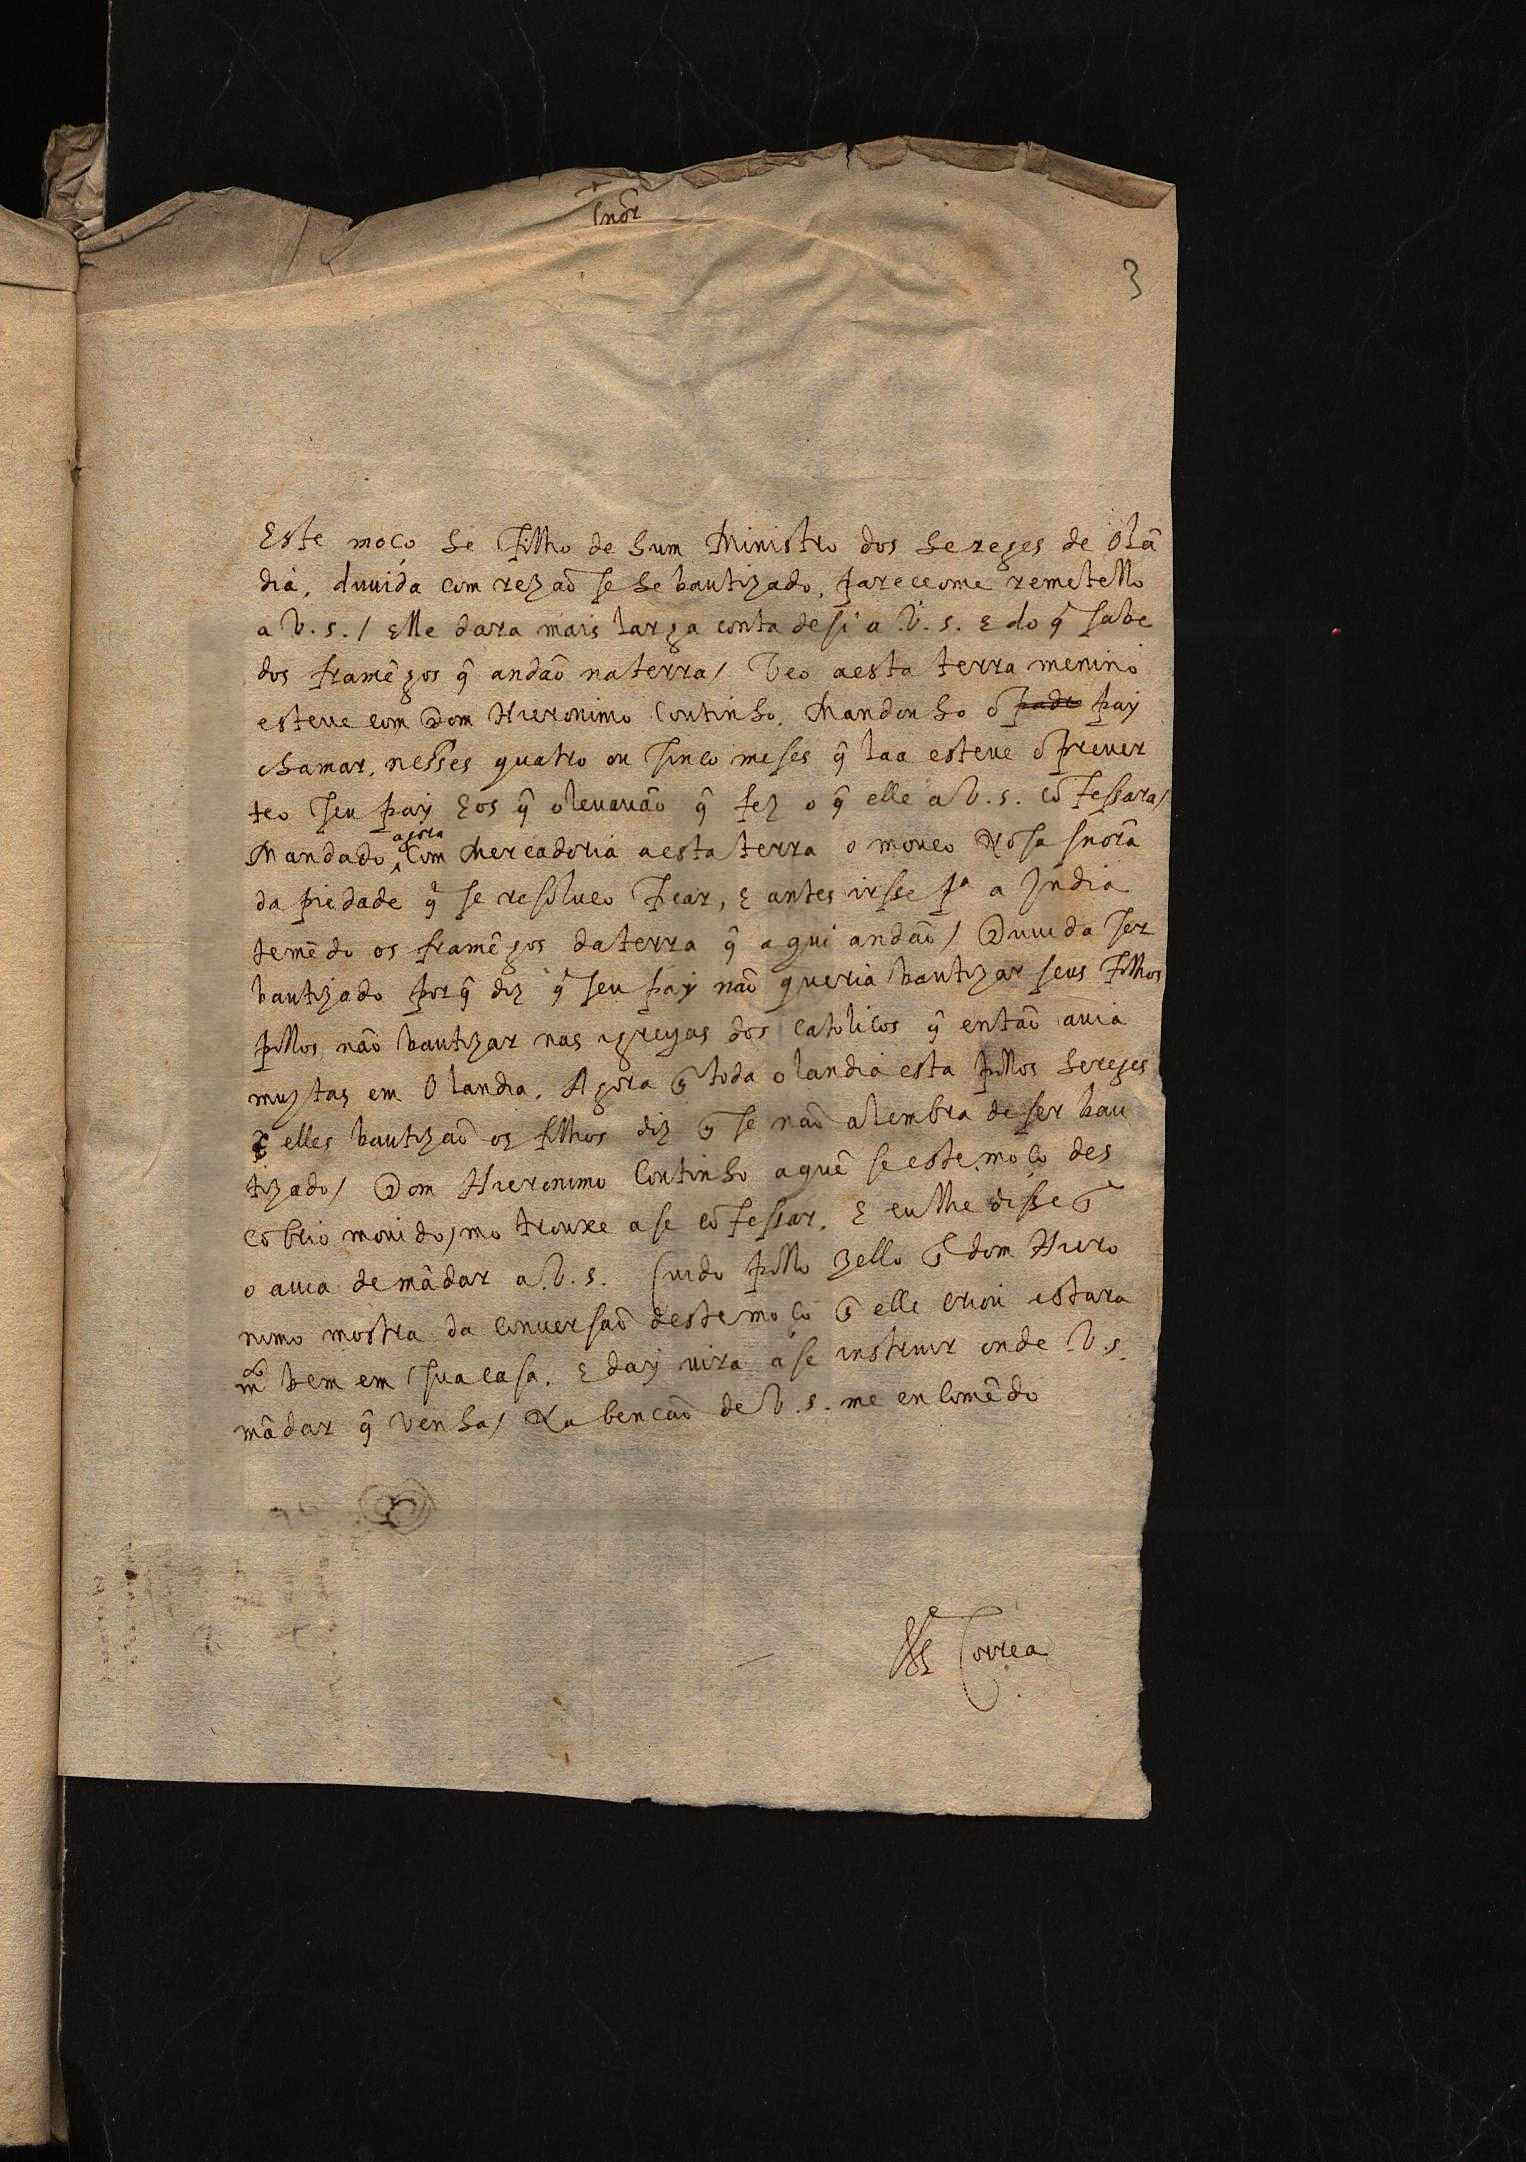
Snor̄
Este moço he filho de hum Ministro dos hereges de Olā
dia, duuida com rezāo se he bautizado, pareceome remetello
a v. s. / Elle dara mais largo conta de si a v. s. E do q̄ sabe
dos framēgos q̄ andaõ na terra / Veo a esta terra menino
esteue com Dom Hieronimo Coutinho. Mandou ho o padre pay
chamar, nesses quatro ou sinco meses q̄ laa esteue o preuer
teo seu pay E os q̄ o leuauaõ q̄ fez o q̄ elle a v. s. cōfessara/
Mandado
agora
com Mercadoria a esta terra o moueo Nosa snorā
da piedade q̄ se resolueo ficar, E antes irsse pa a Jndia
temēdo os framēgos da terra q̄ aqui andão / Duuida ser
bautizado porq̄ diz q̄ seu pay naõ queria bautizar seus filhos
pollos não bautizar nas igreijas dos catolicos q̄ então auia
mujtas em Olandia, Agora q̄ toda olandia esta pollos hereges
E elles bautizaõ os filhos diz q̄ se naõ alembra de ser bau
tizado / Dom Hieronimo Coutinho a quē se este moço des
cobrio mouido / mo trouxe a se cōfessar. E eu lhe disse q̄
o auia de mādar a v. s. Cuido pollo zello q̄ dom Hiero
nimo mostra da conuersaõ deste moço q̄ elle criou estara
mto bem em sua casa. E day uira a se instruir onde v. s.
mādar q̄ venha / A bencaõ de v. s. me encomēdo
Correa
